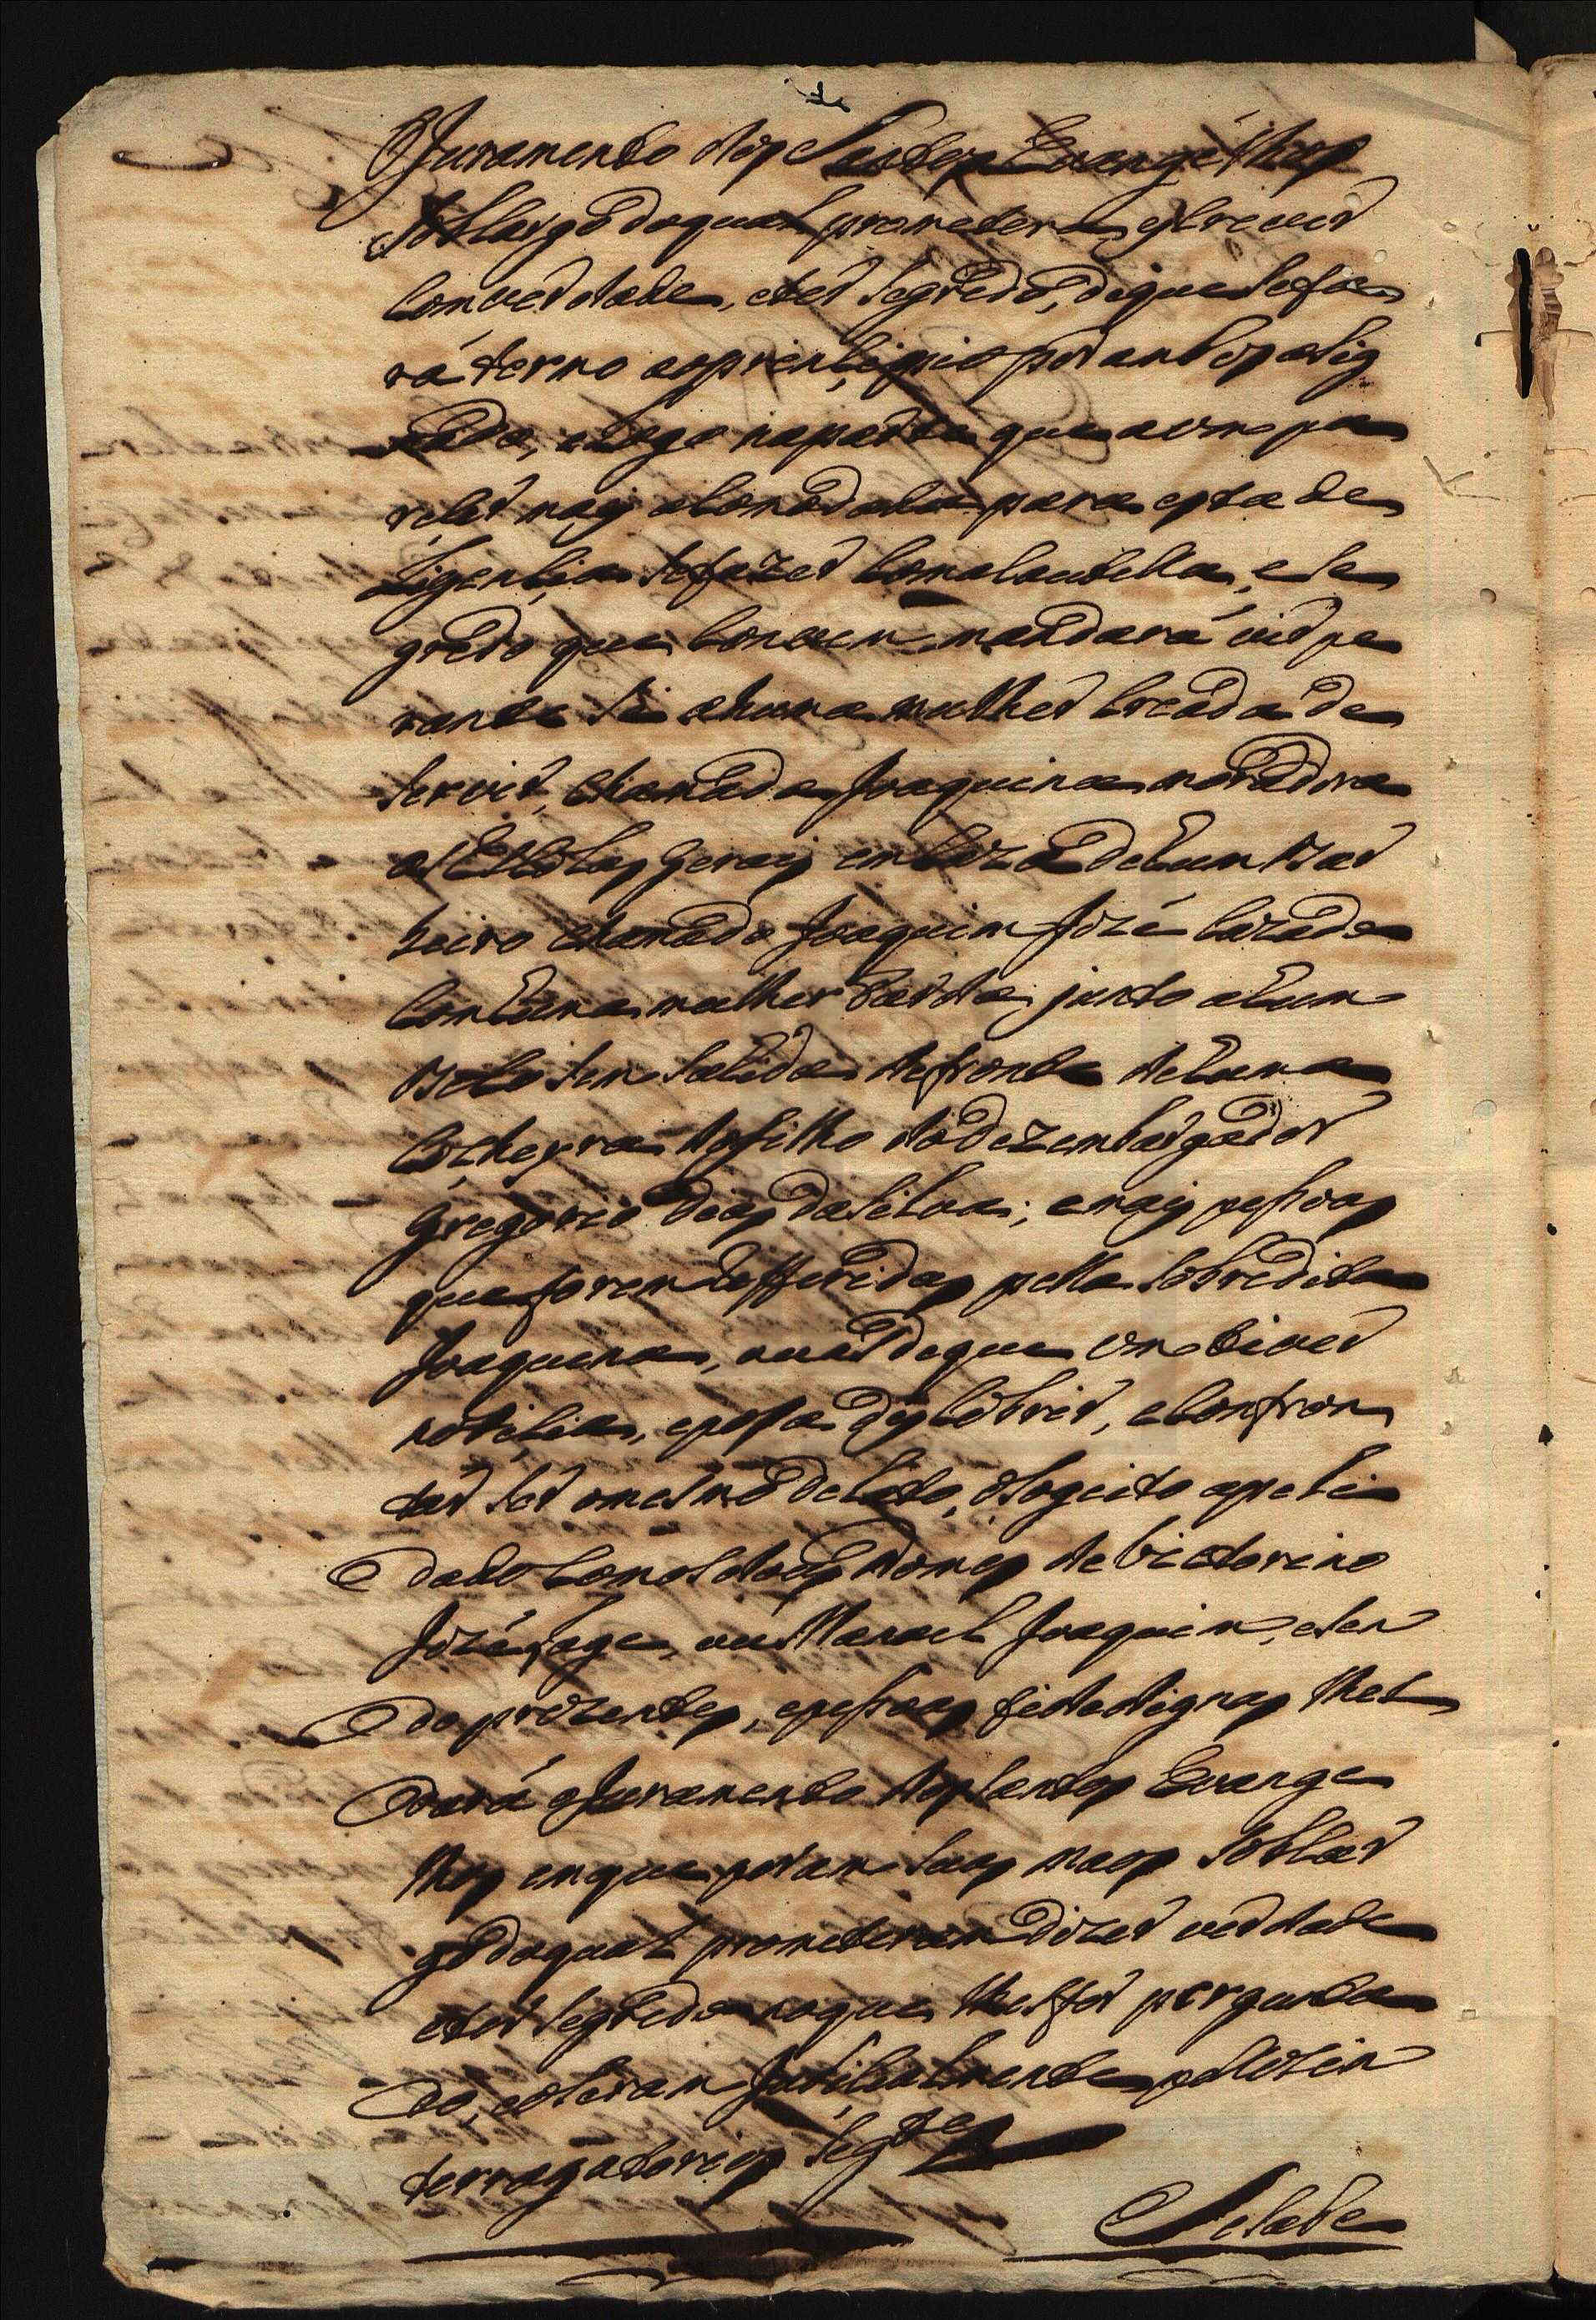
O Juramento dos Santos Evangélhos
SobCargo do qual prometera escrever
Com verdade, e ter segredo de que se fa
rá termo ao prinÇipio por ambos asig
nado, e Logo na parte que a vm pa
reçer mais acomodada para esta de
Ligençia se fazer com a Cautela, e se
gredo que Convem mandará vir pe
rante si a huma mulher Creada de
servir, chamada Joaquina moradora
as EsColas Gerais em Caza de hum Bar
beiro chamado Joaquim Jozé Cazado
com huma mulher Parda junto a hum
BeCo sem sahida defronte de huma
Coçheyra do filho do Dezembargador
gregorio Dios da siLva; e mais pessoas
que forem Refferidas pella sobredita
Joaquena, ou as de que vm tiver
notiÇias, e posa desCobrir, e Confron
tar ser o mesmo deLato, o sogeito apeli
dado Com os dous nomes de Victorino
Jozé Lage, ou Manoel Joaquim, e sen
do prezentes, e pessoas fidedignas lhes
dará o Juramento dos santos Evange
lhos em que poram suas maos sobCar
go do qual prometeram dizer verdade
e ter segredo no que lhe for pergunta
do, e o seram JudiÇialmente poloz en
terrogatorios seg.tes
Se sabe
